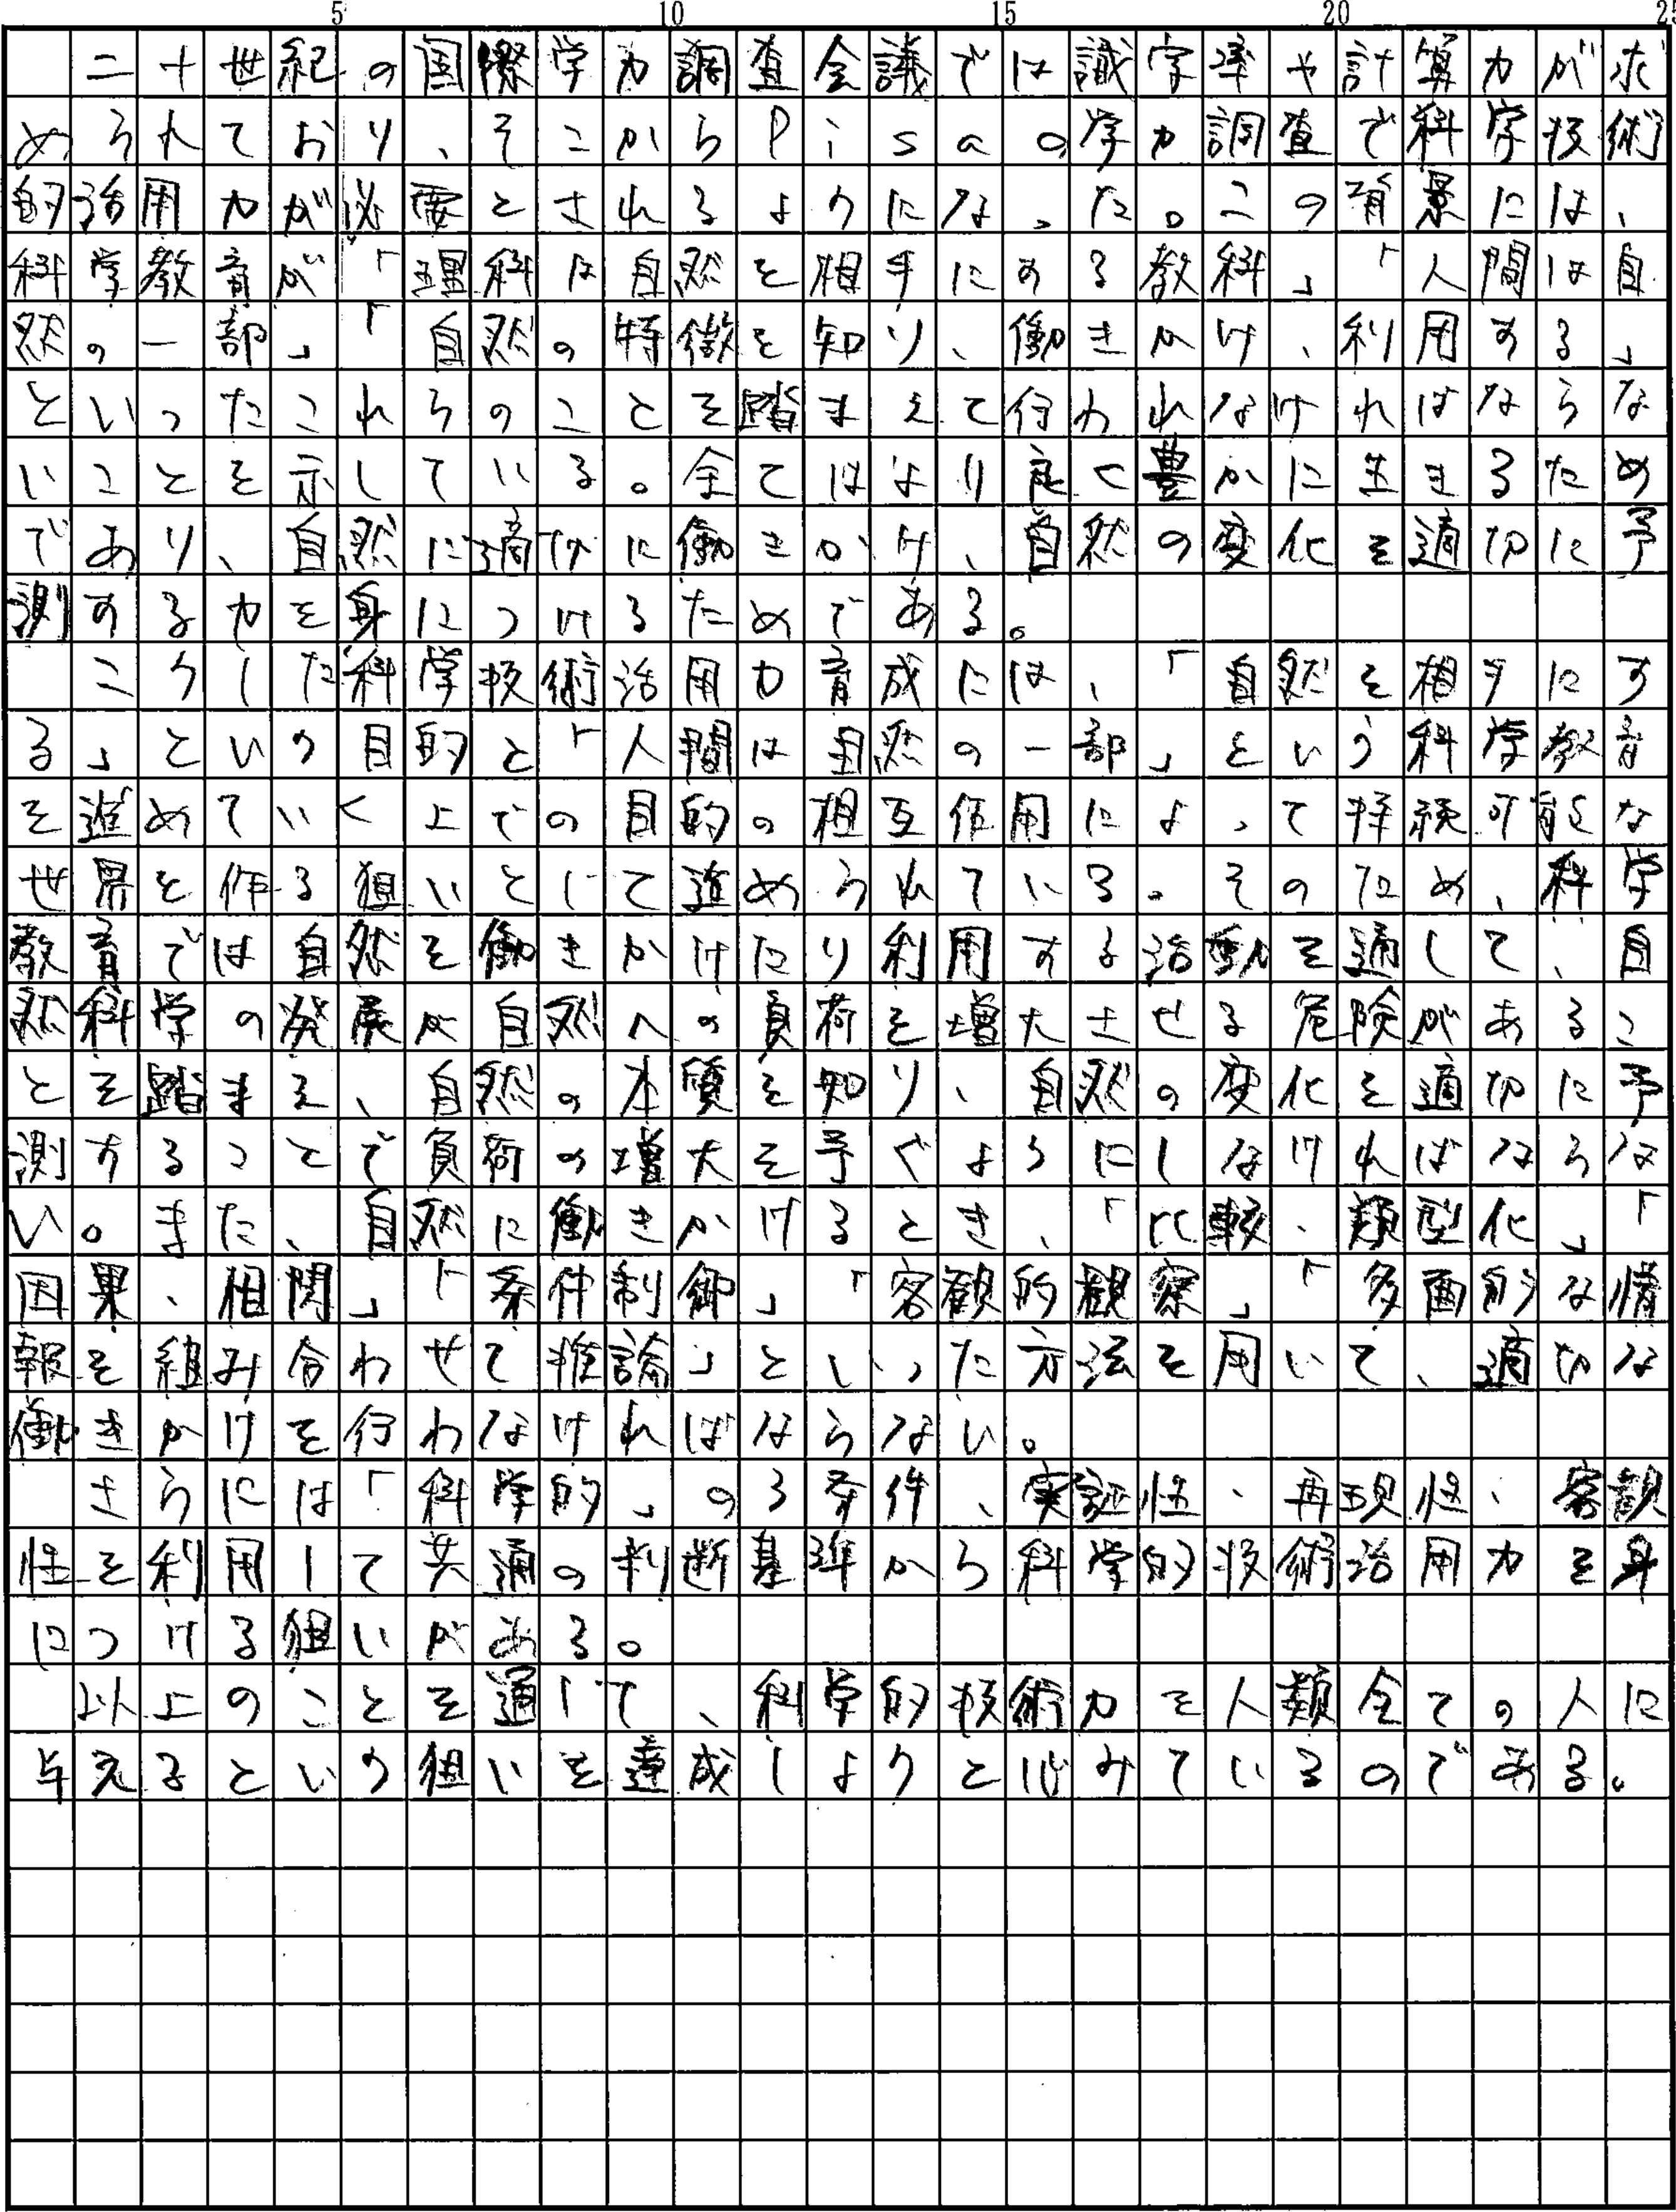　二十世紀の国際学力調査会議では識字率や計算力が求められており、そこからＰｉｓａの学力調査で科学技術的活用力が必要とされるようになった。この背景には、科学教育が「理科は自然を相手にする教科」「人間は自然の一部」「自然の特徴を知り、働きかけ、利用する」といったこれらのことを踏まえて行われなければならないことを示している。全てはより良く豊かに生きるためであり、自然に適切に働きかけ、自然の変化を適切に予測する力を身につけるためである。
　こうした科学技術活用力育成には、「自然を相手にする」という目的と「人間は自然の一部」という科学教育を進めていく上での目的の相互作用によって持続可能な世界を作る狙いとして進められている。そのため、科学教育では自然を働きかけたり利用する活動を通して、自然科学の発展が自然への負荷を増大させる危険があることを踏まえ、自然の本質を知り、自然の変化を適切に予測することで負荷の増大を予ぐようにしなければならない。また、自然に働きかけるとき、「比較・類型化」「因果・相関」「条件制御」「客観的観察」「多面的な情報を組み合わせて推論」といった方法を用いて、適切な働きかけを行わなければならない。
　さらには「科学的」の３条件、実証性・再現性・客観性を利用して共通の判断基準から科学的技術活用力を身につける狙いがある。
　以上のことを通して、科学的技術力を人類全ての人に与えるという狙いを達成しようと心みているのである。
